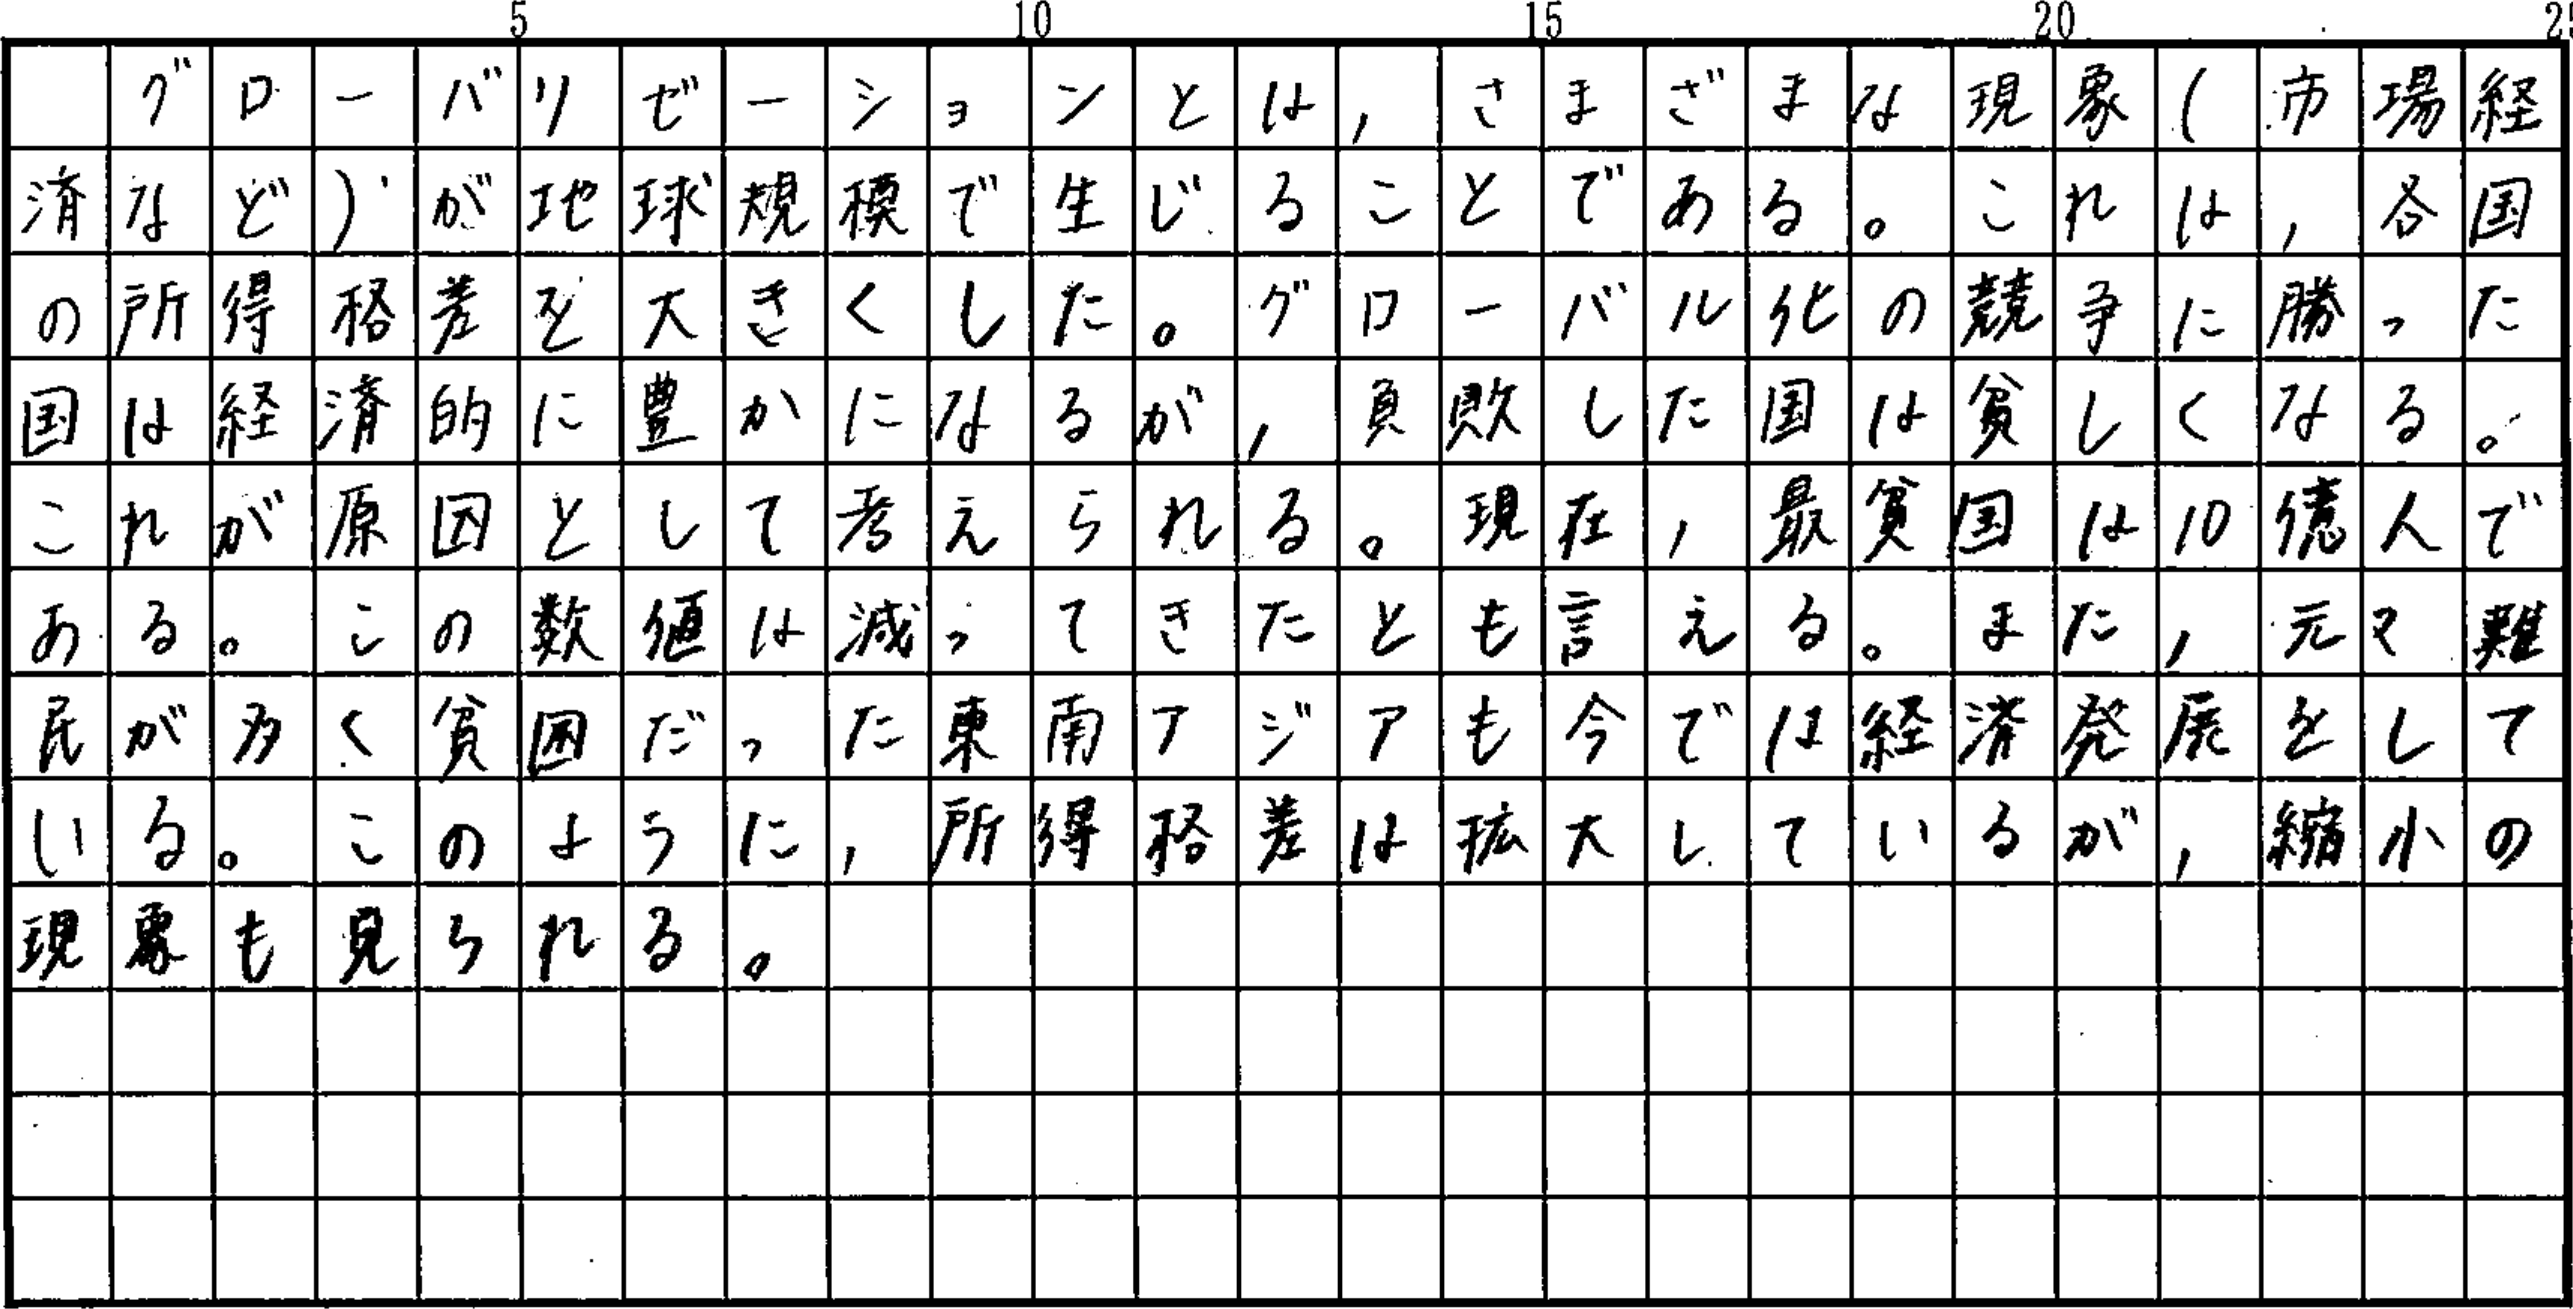　グローバリゼーションとは、さまざまな現象（市場経済など）が地球規模で生じることである。これは、各国の所得格差を大きくした。グローバル化の競争に勝った国は経済的に豊かになるが、負敗した国は貧しくなる。これが原因として考えられる。現在、最貧国は10億人である。この数値は減ってきたとも言える。また、元々難民が多く貧困だった東南アジアも今では経済発展をしている。このように、所得格差は拡大しているが、縮小の現象も見られる。
